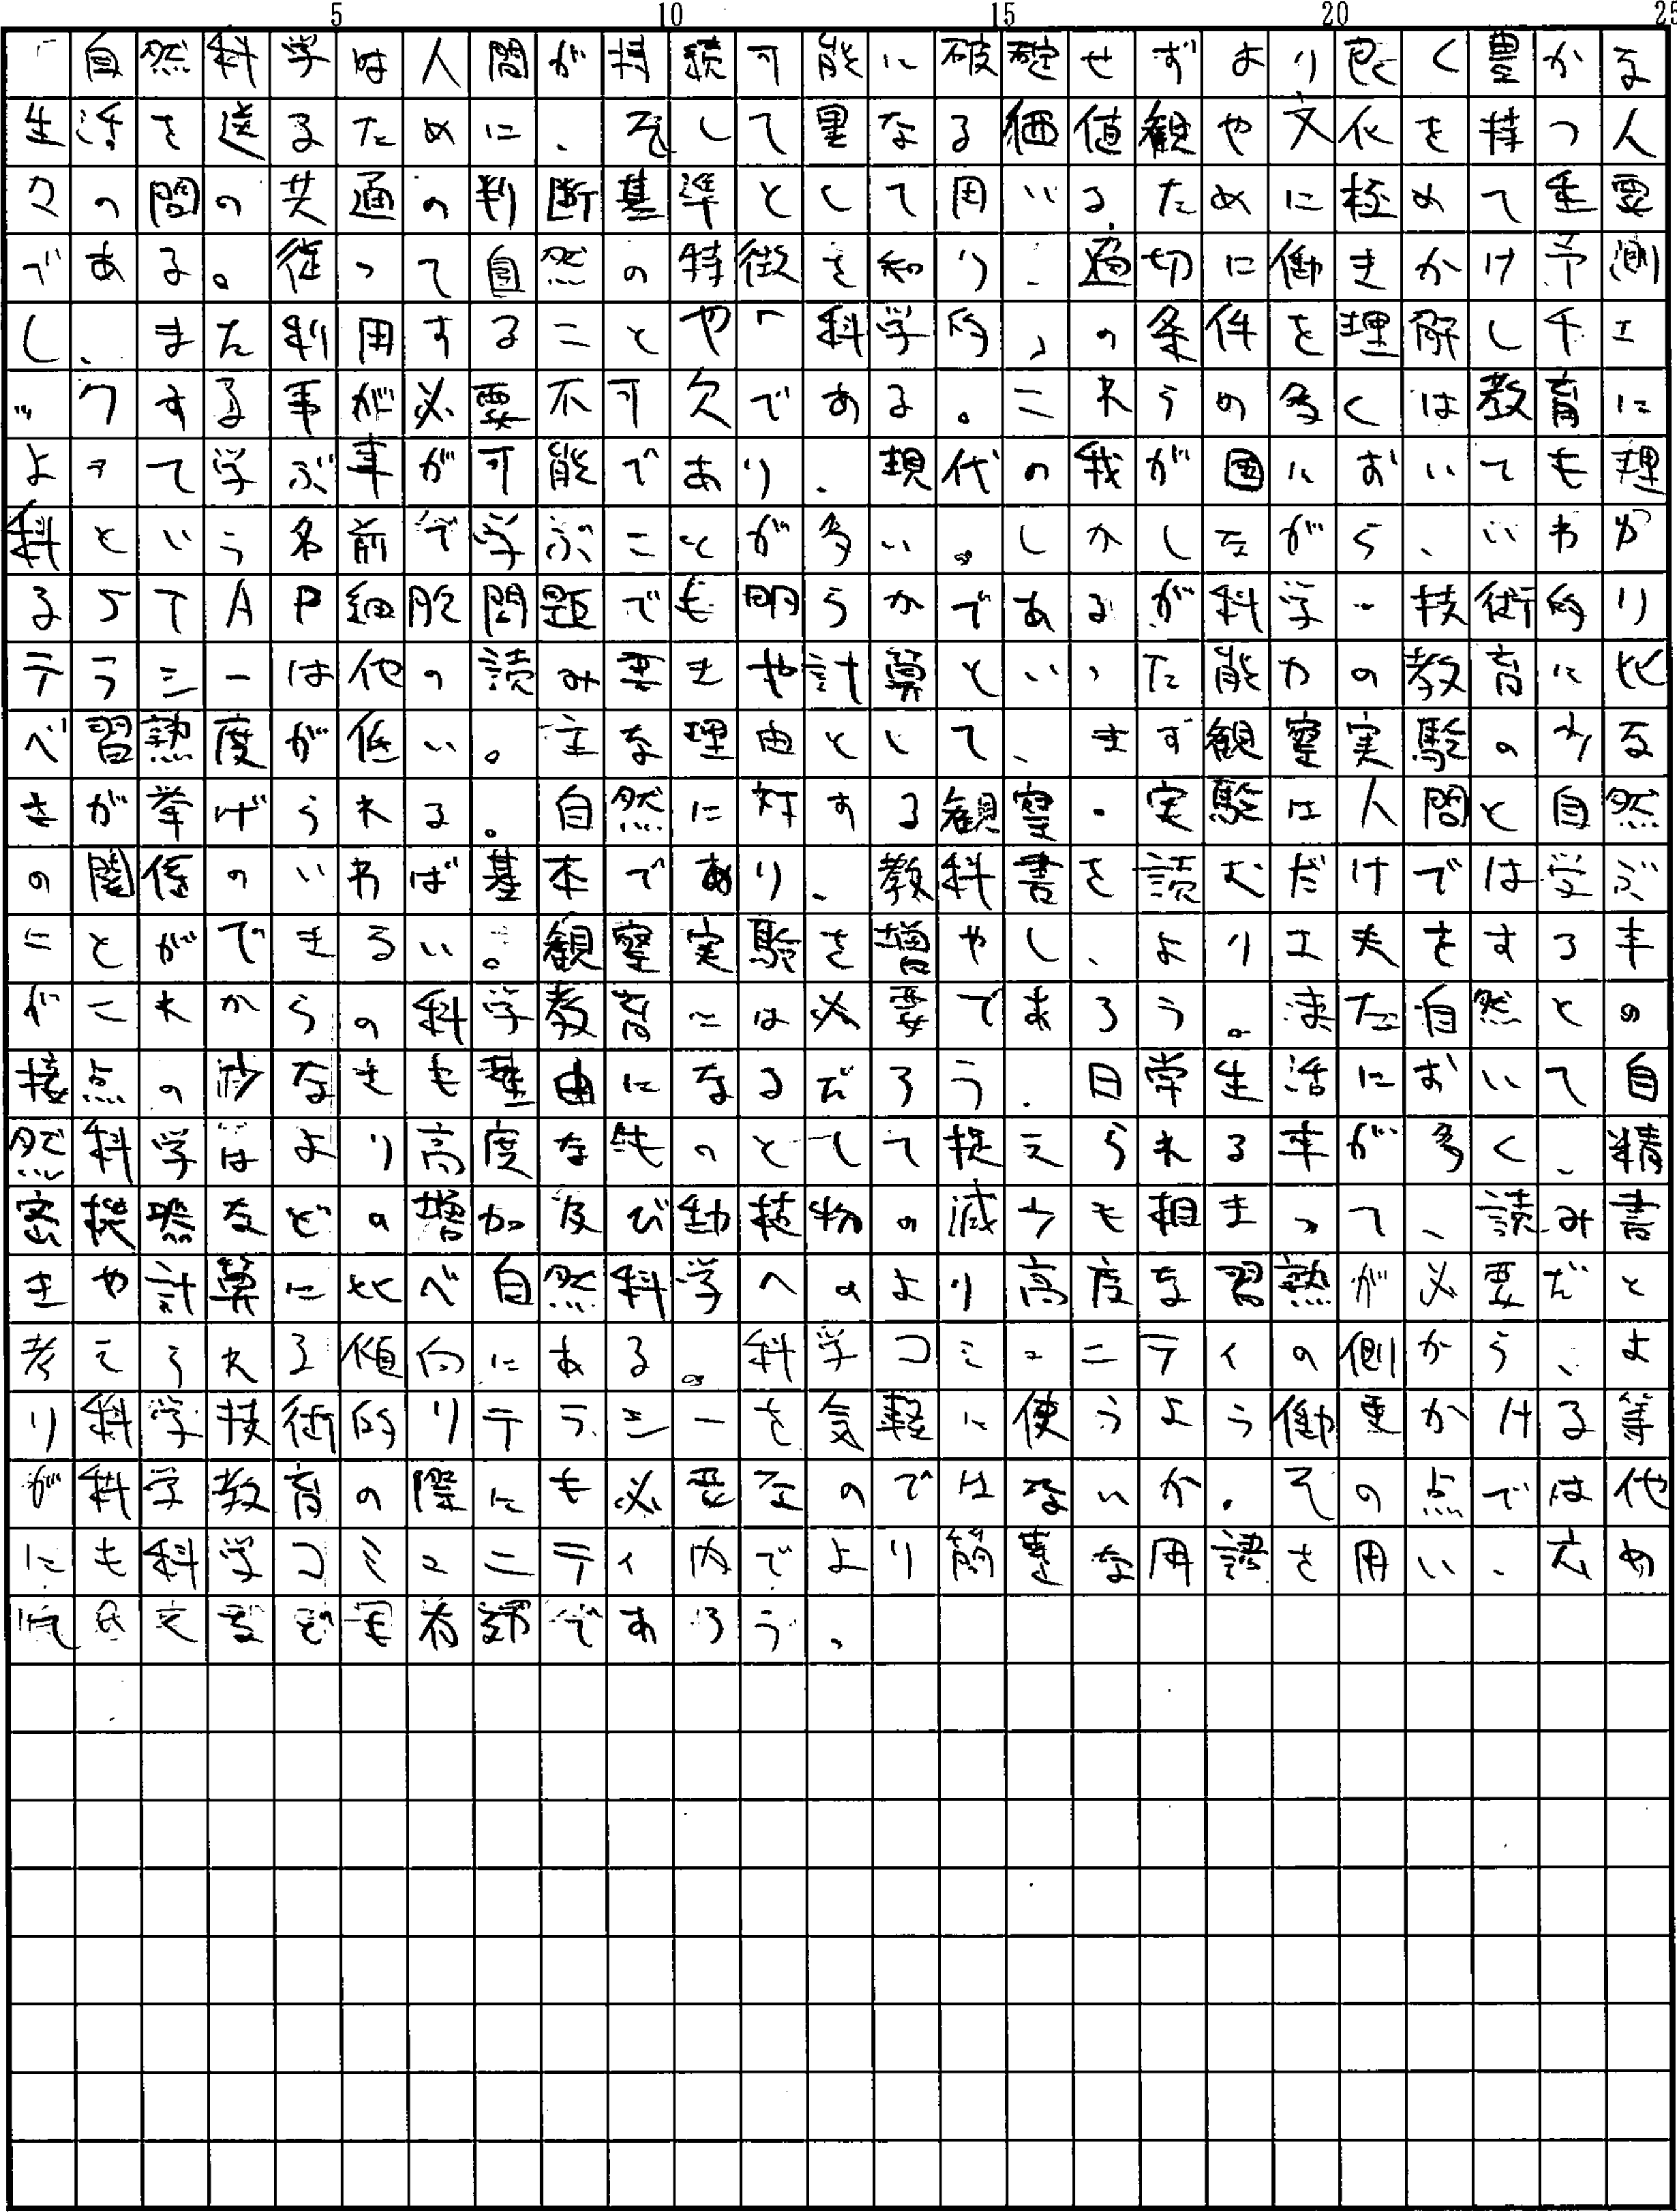　自然科学は人間が持続可能に破碇せずより良く豊かな生活を送るために、そして異なる価値観や文化を持つ人々の間の共通の判断基準として用いるために極めて重要である。従って自然の特徴を知り、適切に働きかけ予測し、また利用することや「科学的」の条件を理解しチェックする事が必要不可欠である。これらの多くは教育によって学ぶ事が可能であり、現代の我が国においても理科という名前で学ぶことが多い。しかしながら、いわゆるＳＴＡＰ細胞問題でも明らかであるが科学・技術的リテラシーは他の読み書きや計算といった能力の教育に比べ習熟度が低い。主な理由として、まず観察実験の少なさが挙げられる。自然に対する観察・実験は人間と自然の関係のいわば基本であり、教科書を読むだけでは学ぶことができるい。観察実験を増やし、より工夫をする事がこれからの科学教育には必要であろう。また自然との接点の少なさも理由になるだろう。日常生活において自然科学はより高度なものとして捉えられる事が多く、精密機器などの増加及び動植物の減少も相まって、読み書きや計算に比べ自然科学へのより高度な習熟が必要だと考えられる傾向にある。科学コミュニティの側から、より科学技術的リテラシーを気軽に使うよう働きかける等が科学教育の際にも必要なのではないか。その点では他にも科学コミュニティ内でより簡▁な用語を用い、広めていくなども有効であろう。
